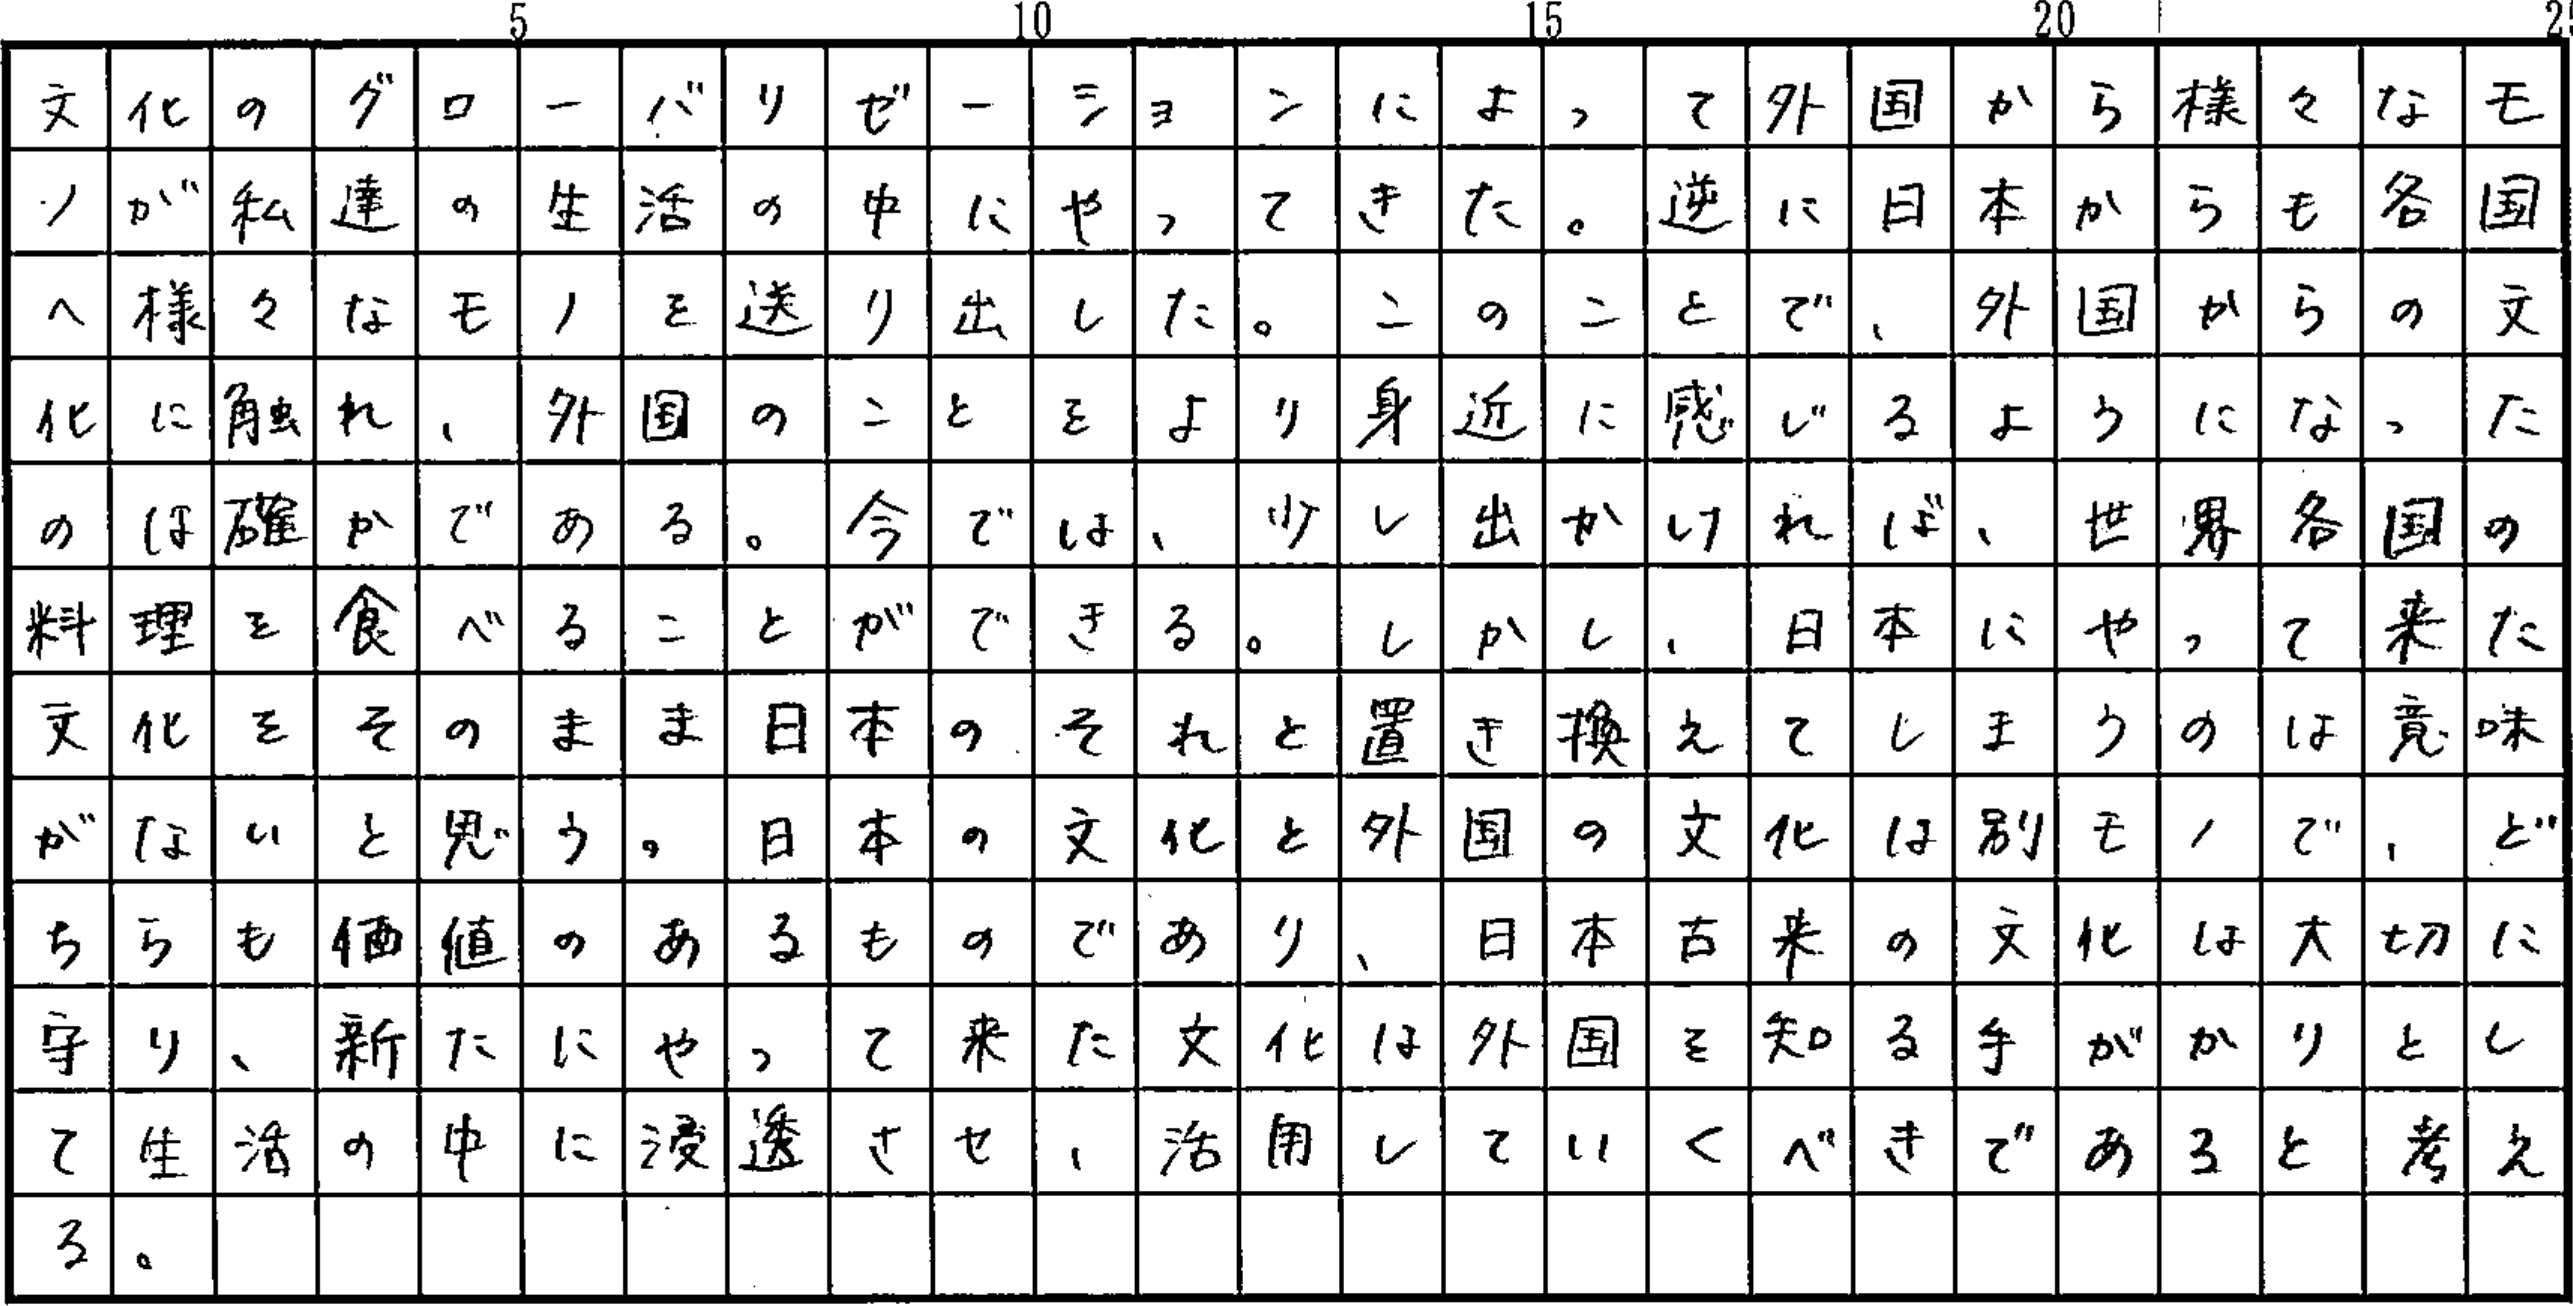文化のグローバリゼーションによって外国から様々なモノが私達の生活の中にやってきた。逆に日本からも各国へ様々なモノを送り出した。このことで、外国からの文化に触れ、外国のことをより身近に感じるようになったのは確かである。今では、少し出かければ、世界各国の料理を食べることができる。しかし、日本にやって来た文化をそのまま日本のそれと置き換えてしまうのは意味がないと思う。日本の文化と外国の文化は別モノで、どちらも価値のあるものであり、日本古来の文化は大切に守り、新たにやって来た文化は外国を知る手がかりとして生活の中に浸透させ、活用していくべきであると考える。
